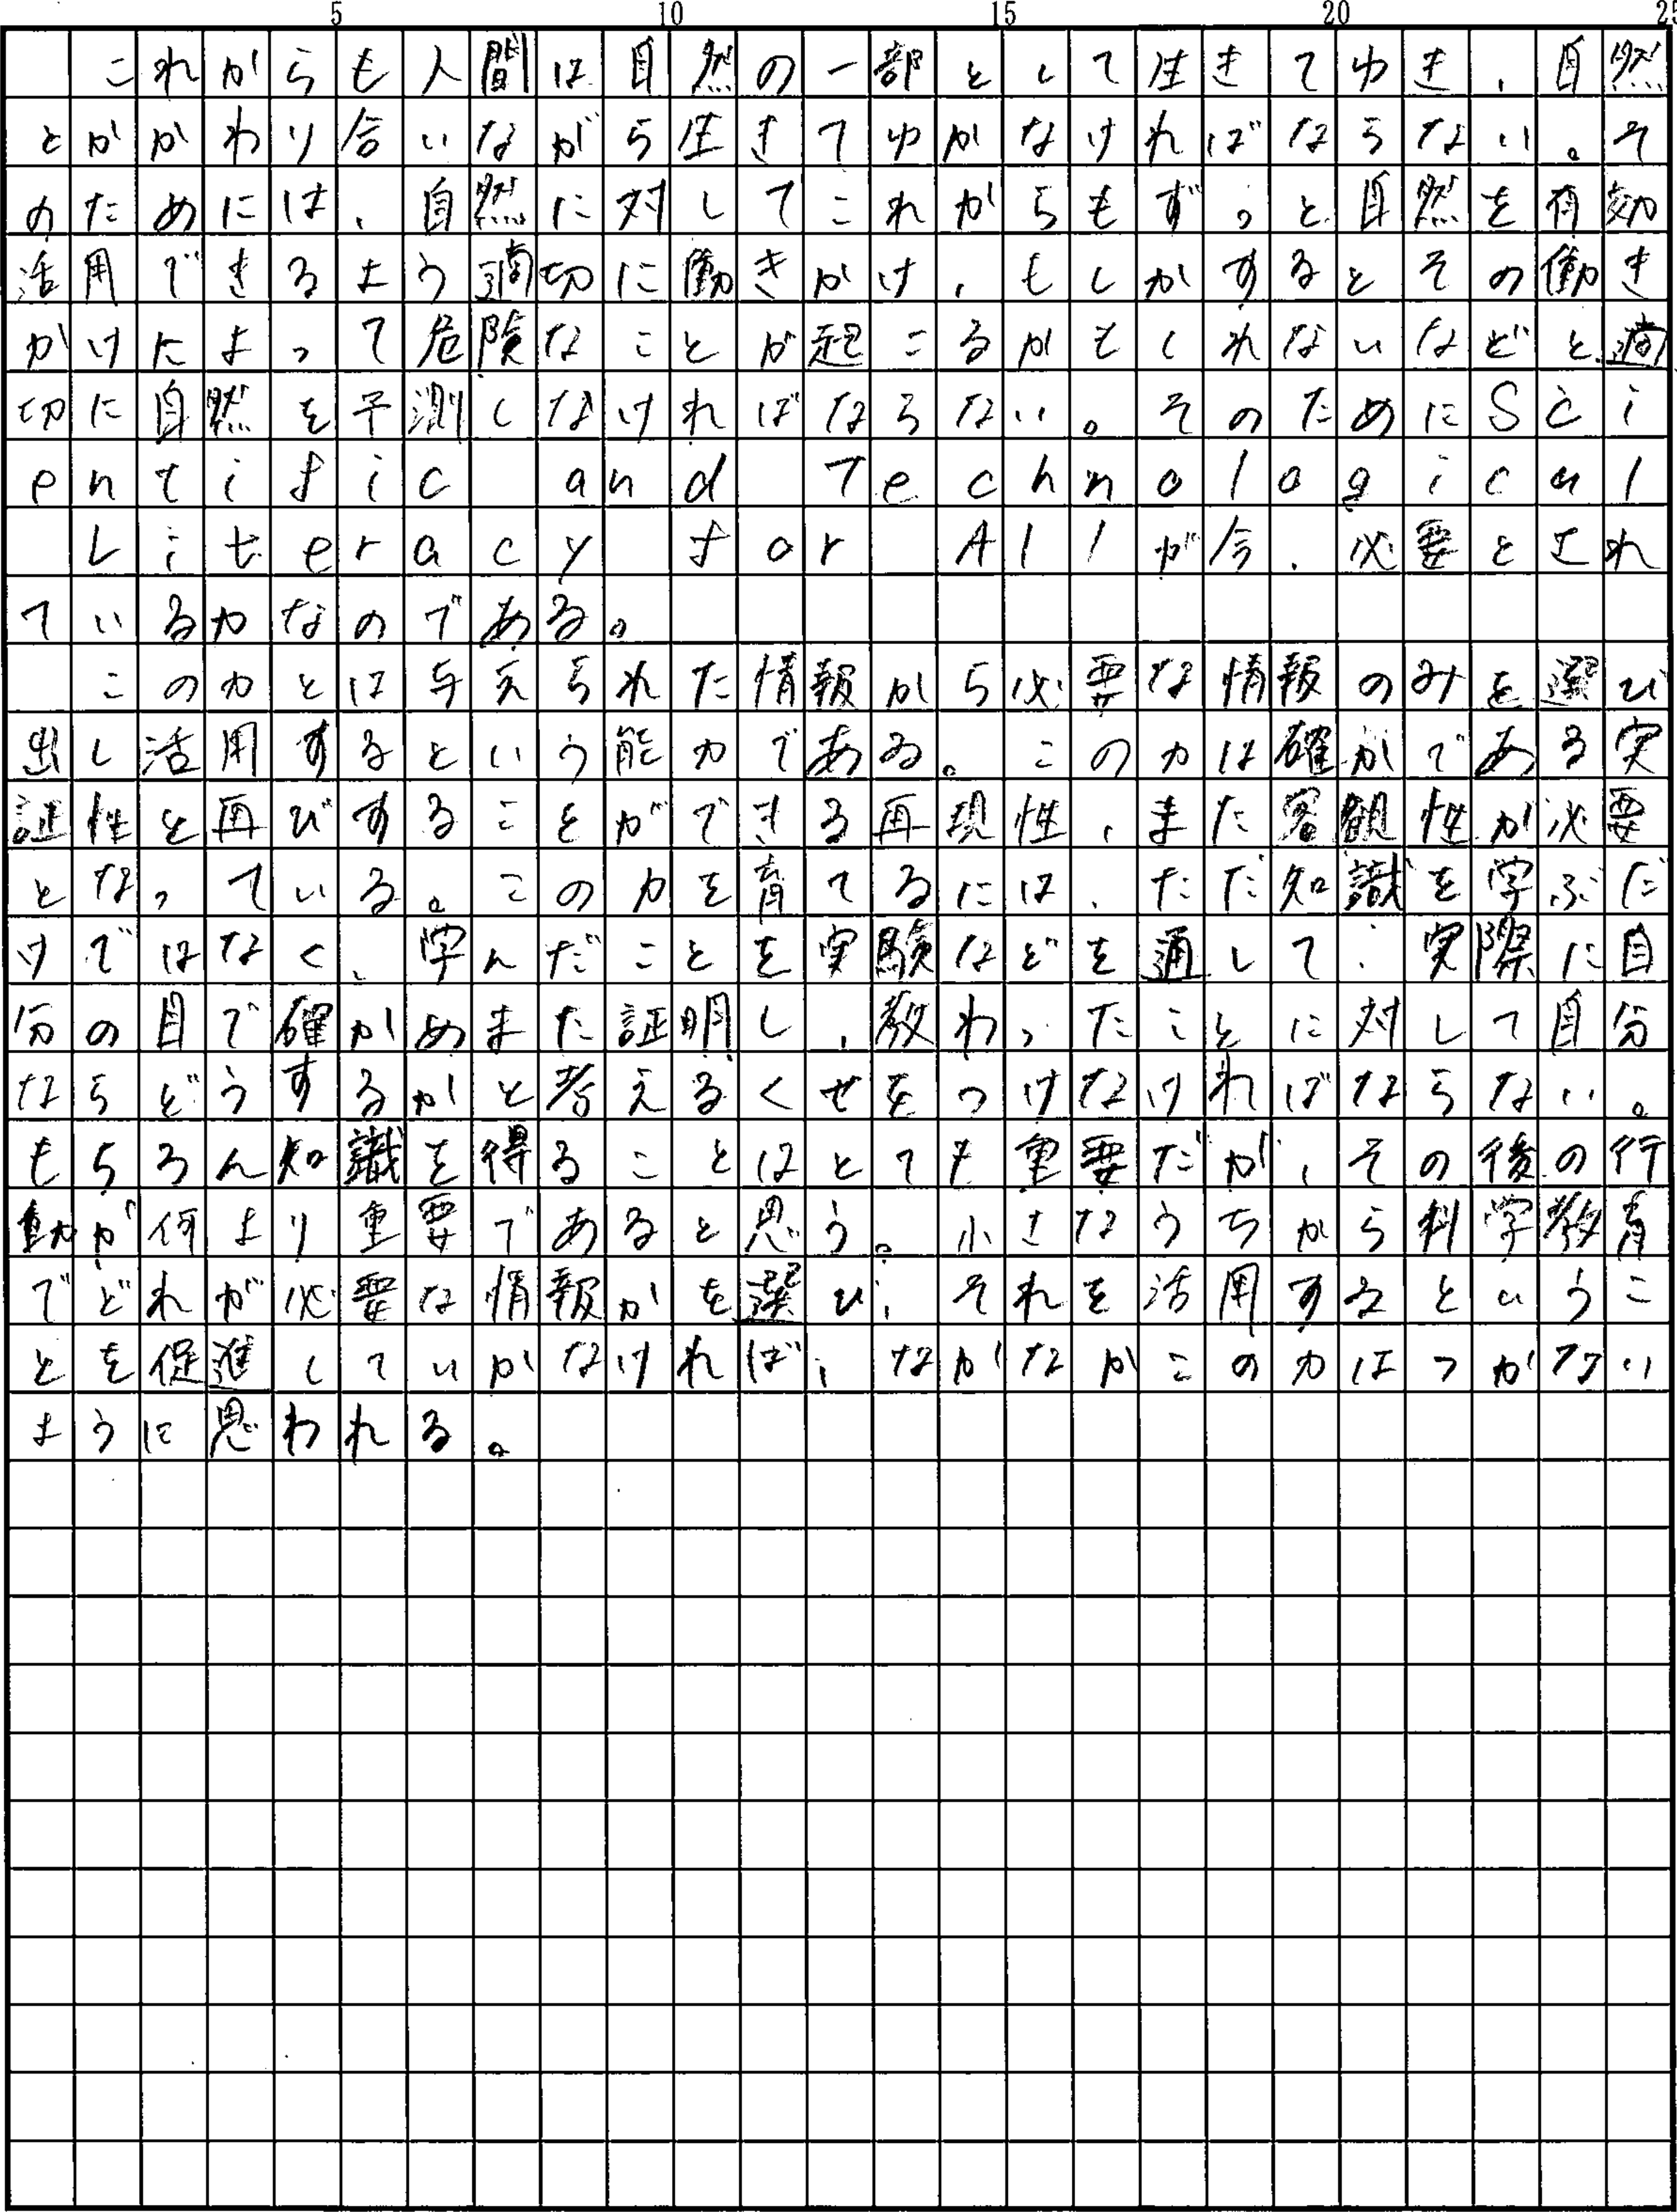　これからも人間は自然の一部として生きてゆき、自然とかかわり合いながら生きてゆかなければならない。そのためには、自然に対してこれからもずっと自然を有効活用できるよう適切に働きかけ、もしかするとその働きかけによって危険なことが起こるかもしれないなどと適切に自然を予測しなければならない。そのためにＳｃｉｅｎｔｉｆｉｃ　ａｎｄ　Ｔｅｃｈｎｏｌｏｇｉｃａｌ　Ｌｉｔｅｒａｃｙ　ｆｏｒ　Ａｌｌが今、必要とされている力なのである。
　この力とは与えられた情報から必要な情報のみを選び出し活用するという能力である。この力は確かである実証性と再びすることができる再現性、また客観性が必要となっている。この力を育てるには、ただ知識を学ぶだけではなく、学んだことを実験などを通して、実際に自分の目で確かめまた証明し、教わったことに対して自分ならどうするかと考えるくせをつけなければならない。もちろん知識を得ることはとても重要だが、その後の行動が何より重要であると思う。小さなうちから科学教育でどれが必要な情報かを選び、それを活用するということを促進していかなければ、なかなかこの力はつかないように思われる。
